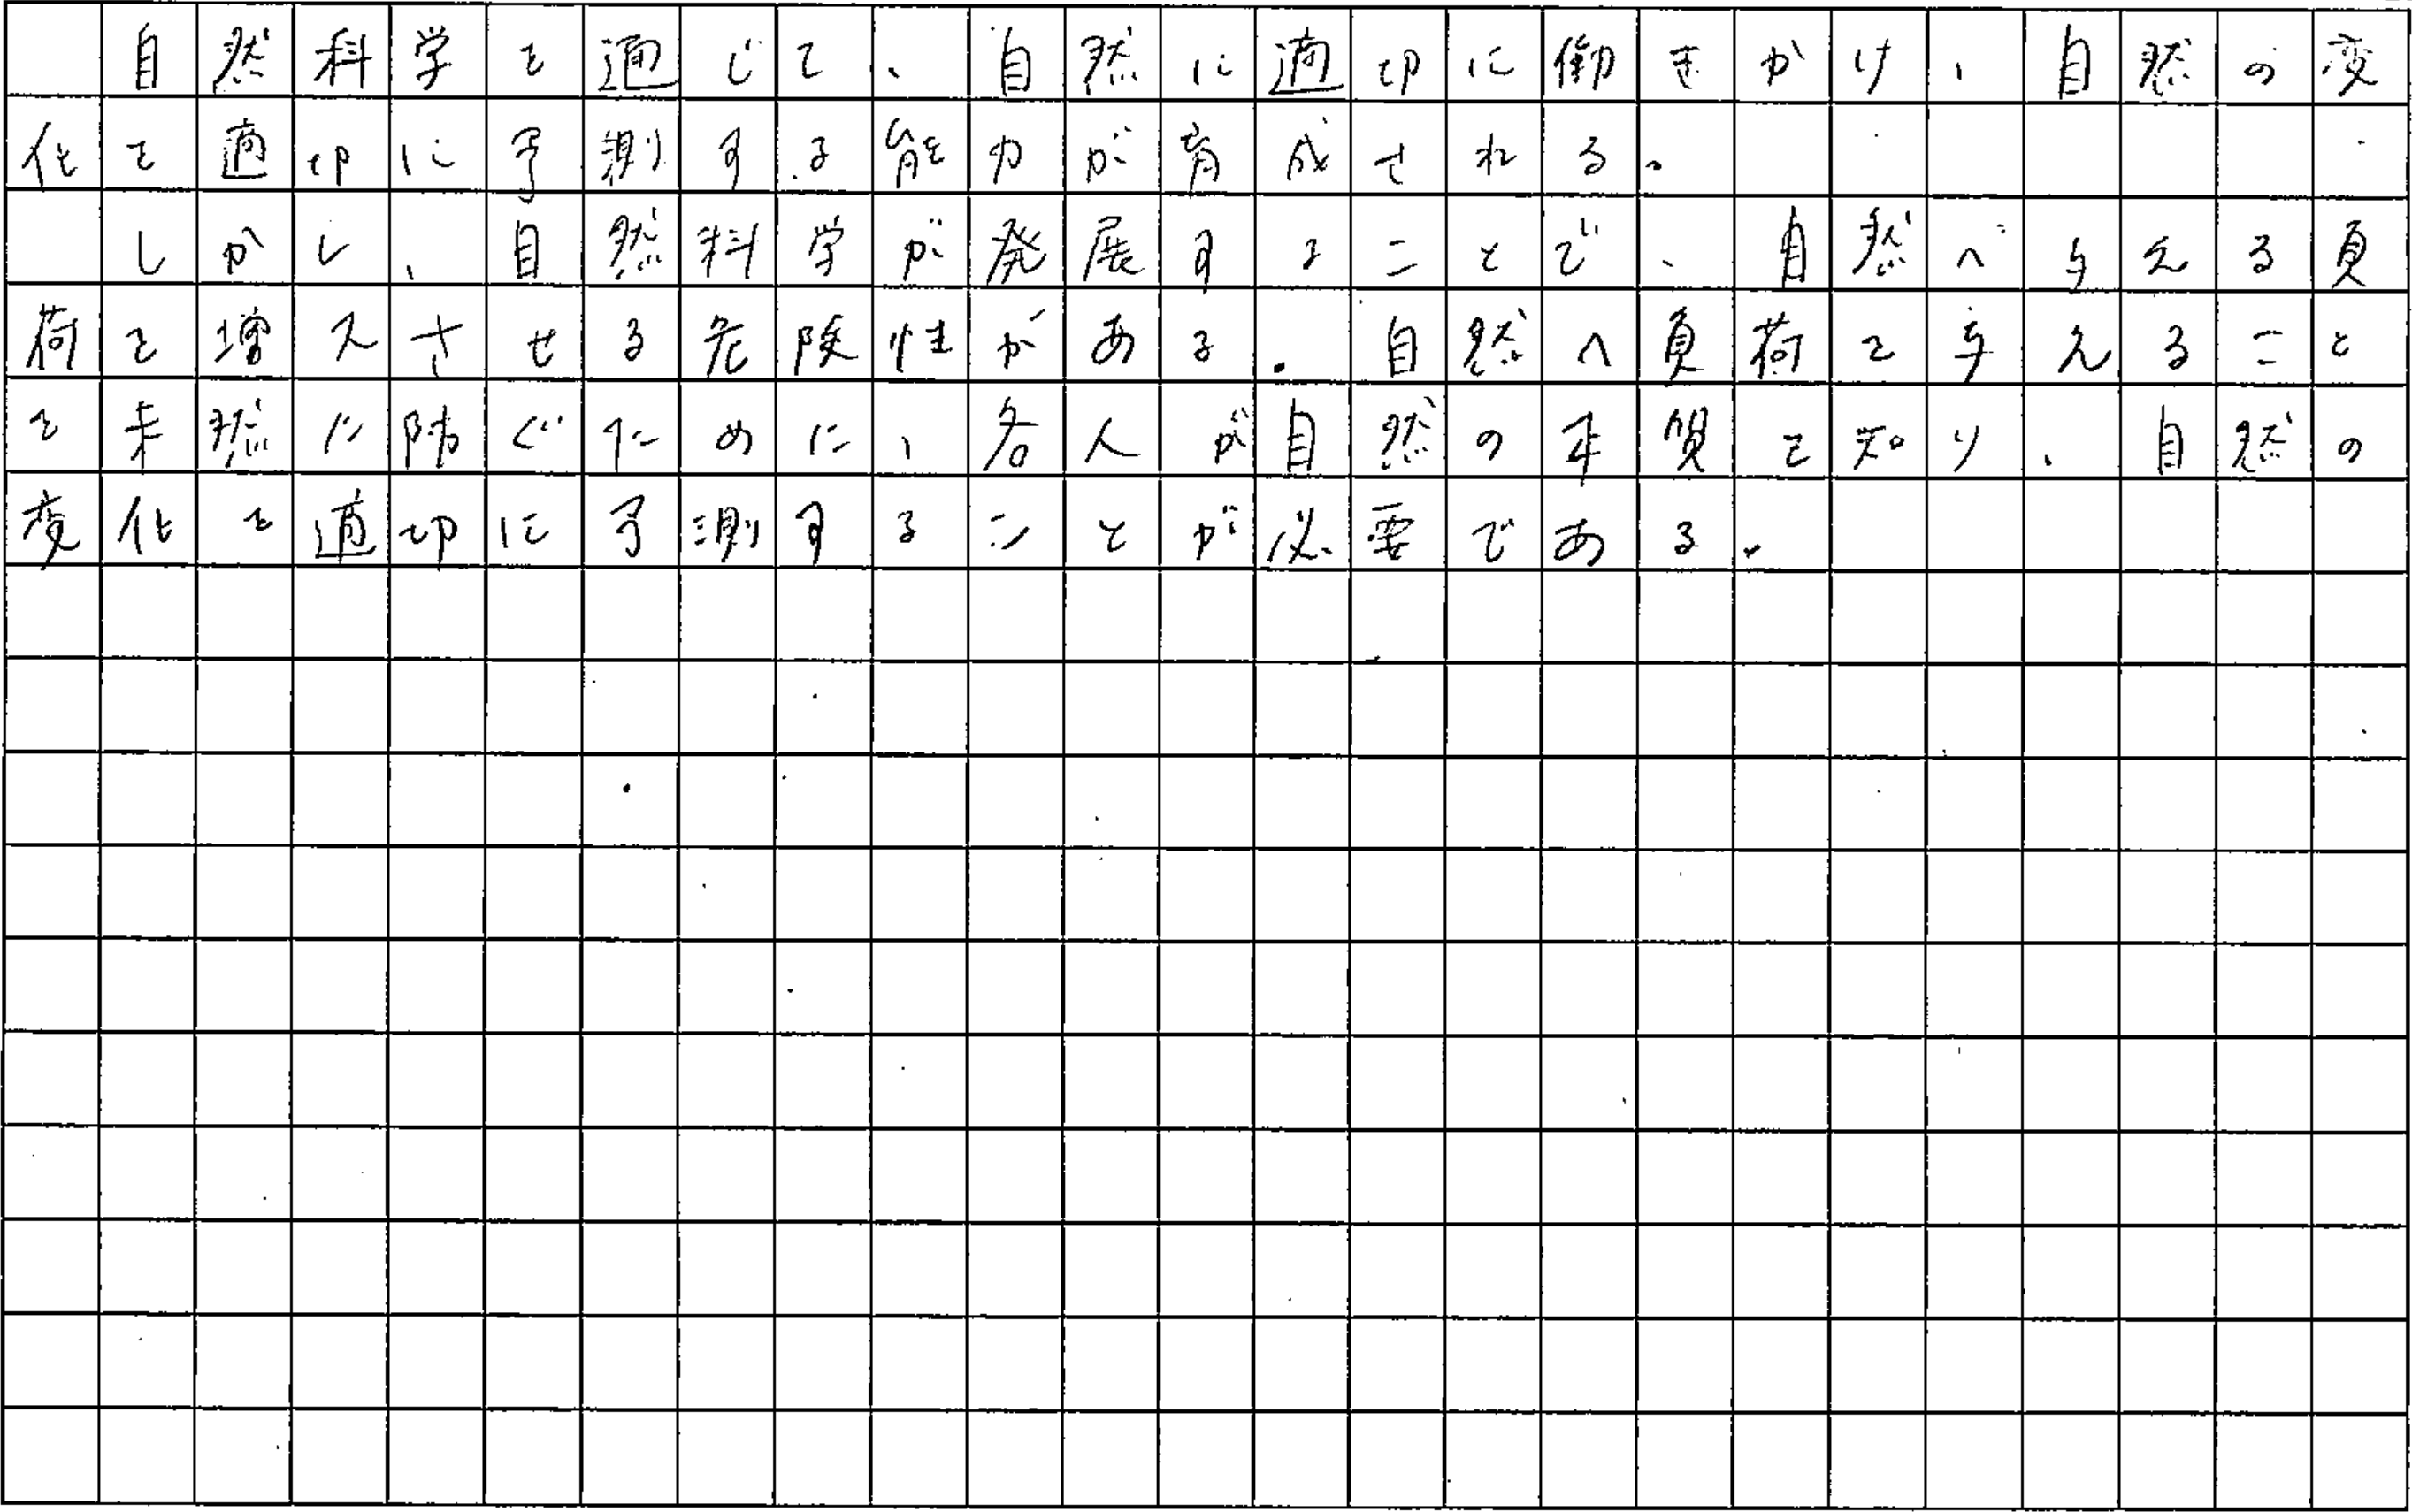　自然科学を通じて、自然に適切に働きかけ、自然の変化を適切に予測する能力が育成される。
　しかし、自然科学が発展することで、自然へ与える負荷を増大させる危険性がある。自然へ負荷を与えることを未然に防ぐために、各人が自然の本質を知り、自然の変化を適切に予測することが必要である。
